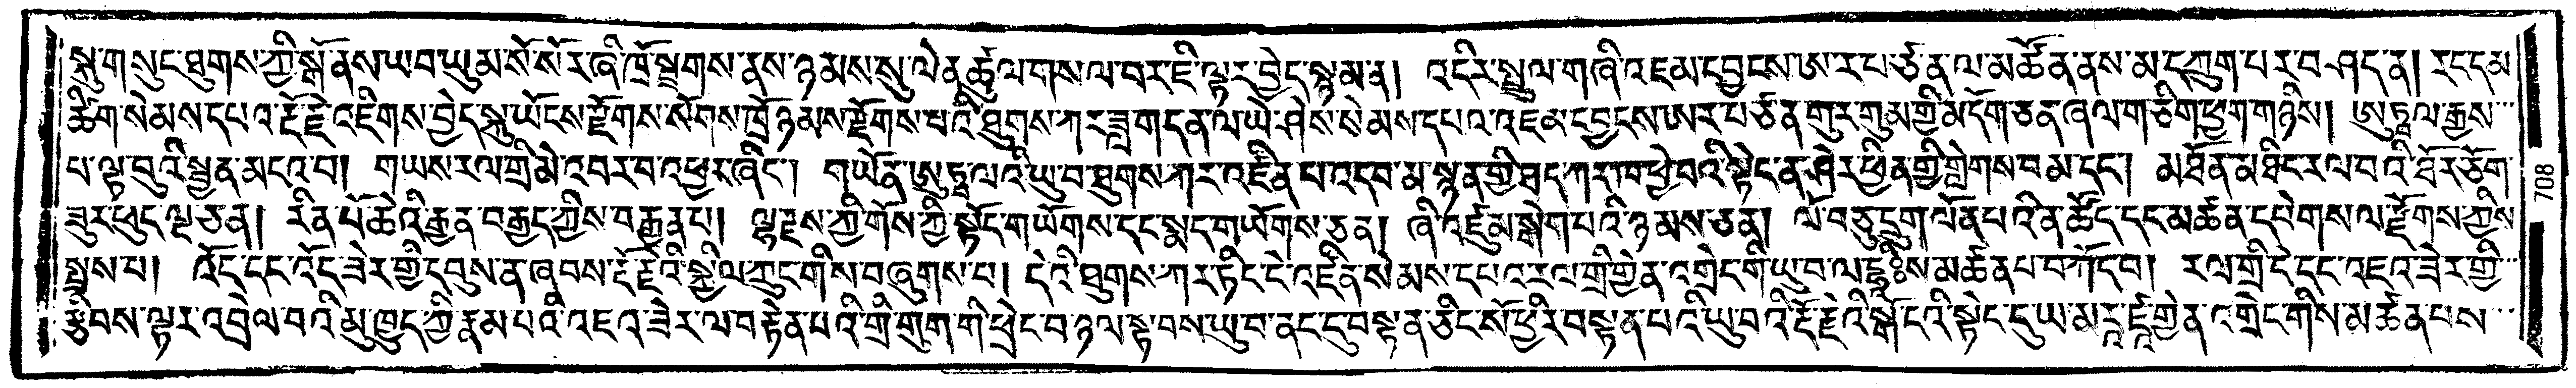སྐུ་གསུང་ཐུགས་ཀྱི་སྒོ་ནས་ཡབ་ཡུམ་སོ་སོར་ཞི་ཁྲོ་སྦྲགས་ནས་ཉམས་སུ་ལེན་ཚུལ་གསལ་བར་ཇི་ལྟར་བྱེད་སྙམ་ན། འདིར་སྤྲུལ་གཞི་འཇམ་དབྱངས་ཨ་ར་པ་ཙ་ན་ལ་མཚོན་ནས་མ་དཀྲུག་པར་བཤད་ན། རང་དམ་
ཚིག་སེམས་དཔའ་རྡོ་རྗེ་འཇིགས་བྱེད་སྐུ་ཡོངས་རྫོགས་སོགས་ཁྲོ་ཉམས་རྫོགས་པའི་ཐུགས་ཀར་ཟླ་གདན་ལ་ཡེ་ཤེས་སེམས་དཔའ་འཇམ་དབྱངས་ཨ་ར་པ་ཙ་ན་གུར་གུམ་གྱི་མདོག་ཅན་ཞལ་གཅིག་ཕྱག་གཉིས། ཨུཏྤལ་རྒྱས་
པ་ལྟ་བུའི་སྤྱན་མངའ་བ། གཡས་རལ་གྲི་མེ་འབར་བ་འཕྱར་ཞིང་། གཡོན་ཨུཏྤ་ལའི་ཡུ་བ་ཐུགས་ཀར་འཛིན་པ་འདབ་མ་སྙན་གྱི་ཐད་ཀར་ཁ་ཕྱེ་བའི་སྟེང་ན་ཤེར་ཕྱིན་གྱི་གླེགས་བམ་དང་། མཐོན་མཐིང་རལ་བའི་ཐོར་ཅོག་
ཟུར་ཕུང་ལྔ་ཅན། རིན་པོ་ཆེའི་རྒྱན་བརྒྱད་ཀྱིས་བརྒྱན་པ། ལྷ་རྫས་ཀྱི་གོས་ཀྱི་སྟོད་གཡོགས་དང་སྨད་གཡོགས་ཅན། ཞི་འཛུམ་སྒེག་པའི་ཉམས་ཅན། ལོ་བཅུ་དྲུག་ལོན་པའི་ན་ཚོད་དང་མཚན་དཔེ་གསལ་རྫོགས་ཀྱིས་
སྤྲས་པ། འོད་དང་འོད་ཟེར་གྱི་དབུས་ན་ཞབས་རྡོ་རྗེའི་སྐྱིལ་ཀྲུང་གིས་བཞུགས་པ། དེའི་ཐུགས་ཀར་ཏིང་ངེ་འཛིན་སེམས་དཔའ་རལ་གྲི་གྱེན་འགྲེང་གི་ཡུ་བ་ལ་དྷཱིཿས་མཚན་པ་བཀོད་བ། རལ་གྲི་དེ་དང་འཇའ་ཟེར་གྱི་
རྩིབས་ལྟར་འབྲེལ་བའི་མུ་ཁྱུད་ཀྱི་རྣམ་པའི་འཇའ་ཟེར་ལ་བརྟེན་པའི་གྲི་གུག་གི་ཕྲེང་བ་ཉལ་སྟབས་ཡུ་བ་ནང་དུ་བསྟན་ཅིང་སོ་ཕྱིར་བསྟན་པའི་ཡུ་བའི་རྡོ་རྗེའི་སྒོ་ངའི་སྟེང་དུ་ཡ་མ་རཱ་ཛཱ་གྱེན་འགྲེང་གིས་མཚན་པས་